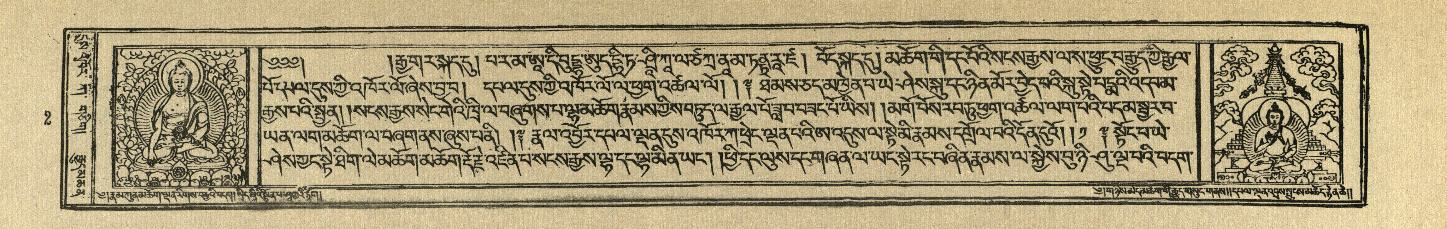༄༅། །རྒྱ་གར་སྐད་དུ། པ་ར་མ་ཨཱ་དི་བུདྡྷ་ཨུད་དི་ཧ་ཏ་ཤྲཱི་ཀཱ་ལ་ཙ་ཀྲ་ནཱ་མ་ཏན་ཏྲ་རཱ་ཛ། བོད་སྐད་དུ། མཆོག་གི་དང་པོའི་སངས་རྒྱས་ལས་ཕྱུང་བརྒྱུད་ཀྱི་རྒྱལ་
པོ་དཔལ་དུས་ཀྱི་འཁོར་ལོ་ཞེས་བྱ་བ། དཔལ་དུས་ཀྱི་འཁོར་ལོ་ལ་ཕྱག་འཚལ་ལོ། །ཐམས་ཅད་མཁྱེན་པ་ཡེ་ཤེས་སྐུ་དང་ཉིན་མོར་བྱེད་པའི་སྐུ་སྟེ་པད་མའི་འདབ་མ་
རྒྱས་པའི་སྤྱན། །སངས་རྒྱས་སེང་གེའི་ཁྲི་ལ་བཞུགས་པ་ལྷ་མཆོག་རྣམས་ཀྱིས་བཏུད་ལ་རྒྱལ་པོ་ཟླ་བ་བཟང་པོ་ཡིས། །མགོ་བོས་རབ་ཏུ་ཕྱག་འཚལ་ལག་པའི་པད་མ་སྦྱར་བ་
ཡན་ལག་མཆོག་ལ་བཞག་ནས་ཞུས་པ་ནི། ། ༈ རྣལ་འབྱོར་དཔལ་ལྡན་དུས་འཁོར་ཀ་ཕྲེང་ལྡན་པའི་ཨ་འདུས་ལ་སྟེ་མི་རྣམས་དགྲོལ་བའི་དོན་དུའོ། ། ༈ སྟོང་པ་ཡེ་
ཤེས་ཀྱང་སྟེ་ཐིག་ལེ་མཆོག་མཆོག་རྡོ་རྗེ་འཛིན་པ་སངས་རྒྱས་ལྷ་དང་ལྷ་མིན་ཡང་། །ཕྱི་དང་ལུས་དང་གཞན་ལ་ཡང་སྟེ་རང་བཞིན་རྣམས་ལ་སྐྱེས་བུ་ཉི་ཤུ་ལྔ་པའི་བདག་